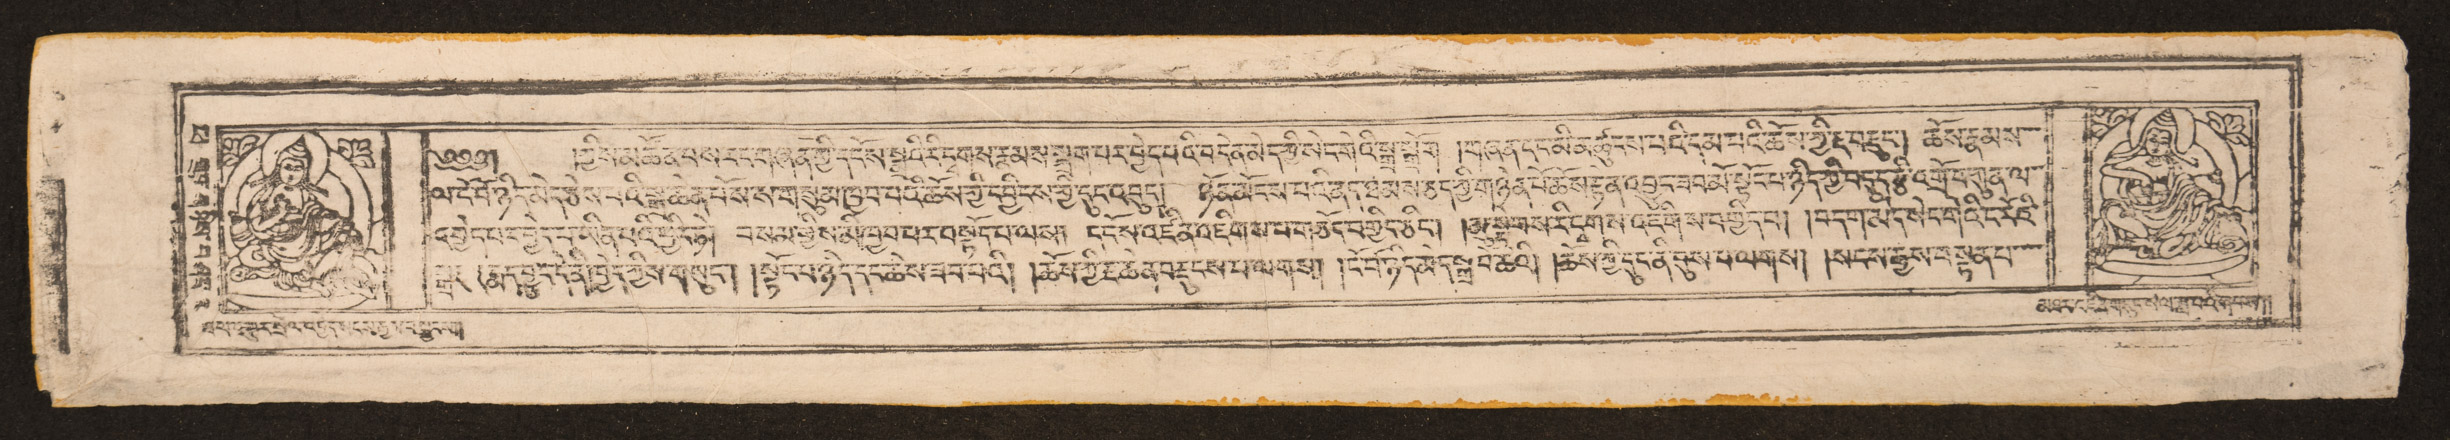༄༅༅། །ཀྱིས་མཚོན་པས་རང་གཞན་གྱི་དངོས་སྨྲའི་རི་དྭགས་རྣམས་སྐྲག་པར་བྱེད་པའི་བདེན་མེད་ཀྱི་སེང་གེའི་སྒྲ་སྒྲོག །གཞན་དང་མི་མཚུངས་པའི་དམ་པའི་ཆོས་ཀྱི་རྡ་བརྡུང་། ཆོས་རྣམས་
ལ་ངོ་བོ་ཉིད་མེད་ཅེས་པའི་སྒྲ་ཆེན་པོས་ས་གསུམ་ཁྱབ་པའི་ཆོས་ཀྱི་དབྱིངས་ཀྱི་དུང་འབུད། ཉོན་མོངས་པའི་ནད་ཐམས་ཅད་ཀྱི་གཉེན་པོ་ཆོས་རྟེན་འབྱུང་ཟབ་མོ་སྟོང་པ་ཉིད་ཀྱི་བདུད་རྩི་འགྲོ་བ་ཀུན་ལ་
འགྱེད་པར་བྱེད་པ་ཡིན་པའི་ཕྱིར་ཏེ། བསམ་གྱིས་མི་ཁྱབ་པར་བསྟོད་པ་ལས། དངོས་འཛིན་འཇིགས་པ་གཅོད་བགྱིད་ཅིང་། །མུ་སྟེགས་རི་དྭགས་འཇིགས་བགྱིད་པ། །བདག་མེད་སེང་གེའི་ང་རོའི་
སྒྲ༑ ༑རྨད་བྱུང་དེ་ནི་ཁྱེད་ཀྱིས་གསུང་། །སྟོང་པ་ཉིད་དང་ཆེས་ཟབ་པའི། །ཆོས་ཀྱི་རྔ་ཆེན་བརྡུངས་པ་ལགས། །ངོ་བོ་ཉིད་མེད་སྒྲ་བོ་ཆེའི། །ཆོས་ཀྱི་དུང་ནི་བུས་པ་ལགས། །སངས་རྒྱས་བསྟན་པ་